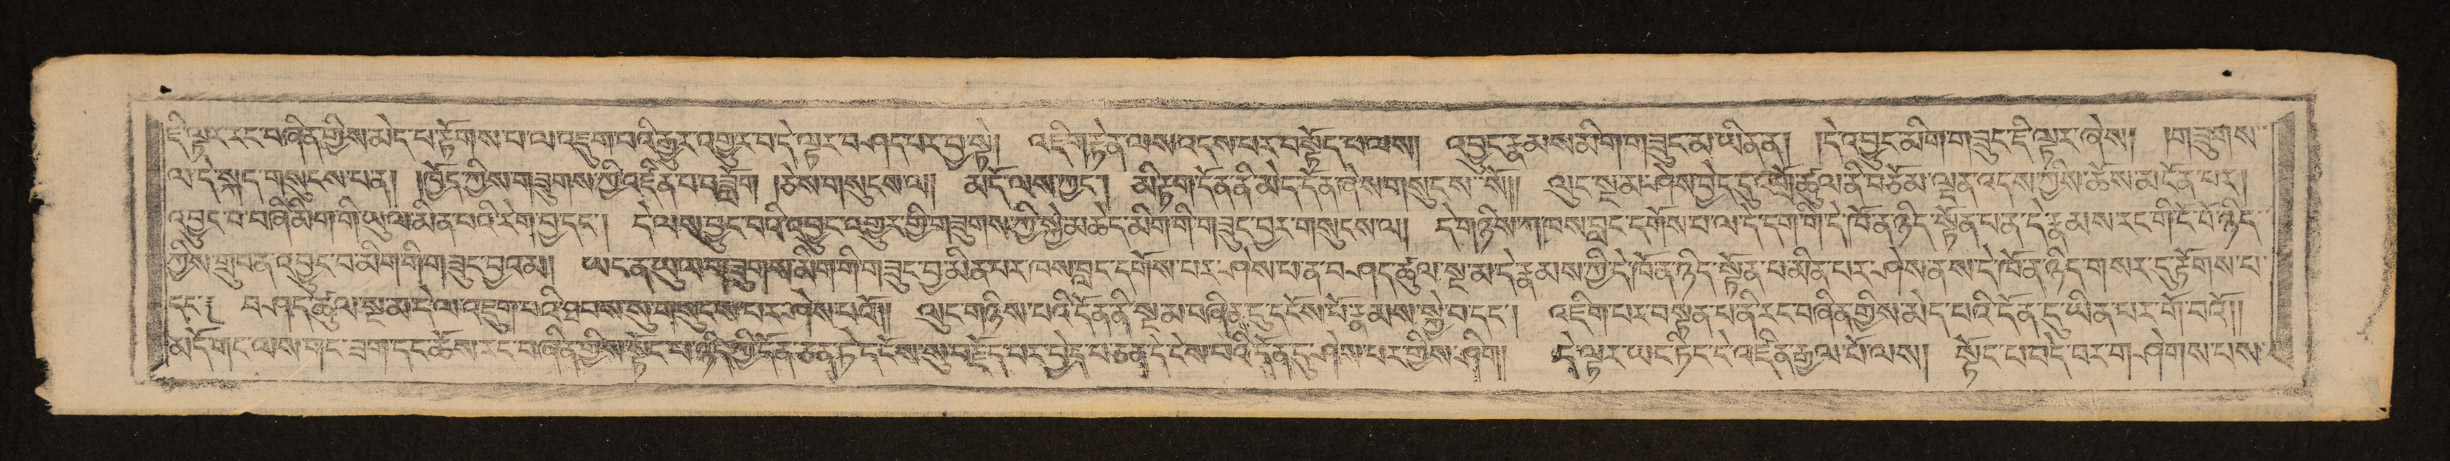ཇི་ལྟར་རང་བཞིན་གྱིས་མེད་པ་རྟོགས་པ་ལ་འཇུག་པའི་རྒྱུར་འགྱུར་བ་དེ་ལྟར་བཤད་པར་བྱ་སྟེ། འཇིག་རྟེན་ལས་འདས་པར་བསྟོད་པ་ལས། འབྱུང་རྣམས་མིག་གཟུང་མ་ཡིན་ན། །དེ་འབྱུང་མིག་གཟུང་ཇི་ལྟར་ཞེས། །གཟུགས་
ལ་དེ་སྐད་གསུངས་པ་ན། །ཁྱོད་ཀྱིས་གཟུགས་ཀྱི་འཛིན་པ་བཟློག །ཅེས་གསུངས་ལ། མདོ་ལས་ཀྱང་། མི་རྟག་དོན་ནི་མེད་དོན་ཞེས་གསུངས་སོ།། ལུང་སྔ་མ་ཤེས་བྱེད་དུ་འགྲོ་ཚུལ་ནི་བཅོམ་ལྡན་འདས་ཀྱིས་ཆོས་མངོན་པར།
འབྱུང་བ་བཞི་མིག་གི་ཡུལ་མིན་པའི་རེག་བྱ་དང་། དེ་ལས་བྱུང་བའི་འབྱུང་འགྱུར་གྱི་གཟུགས་ཀྱི་སྐྱེ་མཆེད་མིག་གི་གཟུང་བྱར་གསུངས་ལ། དེ་གཉིས་ཀ་ཁས་བླང་དགོས་པ་ལ་དེ་དག་གི་དེ་ཁོ་ན་ཉིད་སྟོན་པ་ན་དེ་རྣམས་རང་གི་ངོ་བོ་ཉིད་
ཀྱིས་གྲུབ་ན་འབྱུང་བ་མིག་གི་གཟུང་བྱའམ། ཡང་ན་ཡུལ་གཟུགས་མིག་གི་གཟུང་བྱ་མིན་པར་ཁས་བླང་དགོས་པར་ཤེས་པ་ན་བཤད་ཚུལ་སྔ་མ་དེ་རྣམས་ཀྱི་དེ་ཁོ་ན་ཉིད་སྟོན་པ་མིན་པར་ཤེས་ནས་དེ་ཁོ་ན་ཉིད་གསར་དུ་རྟོགས་པ་
དང༑ བཤད་ཚུལ་སྔ་མ་དེ་ལ་འཇུག་པའི་ཐབས་སུ་གསུངས་པར་ཤེས་པའོ།། ལུང་གཉིས་པའི་དོན་ནི་སྔ་མ་བཞིན་དུ་དངོས་པོ་རྣམས་སྐྱེ་བ་དང་། འཇིག་པར་བསྟན་པ་ནི་རང་བཞིན་གྱིས་མེད་པའི་དོན་དུ་ཡིན་པར་གོ་བའོ།།
མདོ་གང་ལས་གང་ཟག་དང་ཆོས་རང་བཞིན་གྱིས་སྟོང་པ་ཉིད་ཀྱི་དོན་ཅན་ཏེ་དངོས་སུ་བརྗོད་པར་བྱེད་པ་ཅན་དེ་ངེས་པའི་དོན་དུ་ཤེས་པར་གྱིས་ཤིག། དེ་ལྟར་ཡང་ཏིང་ངེ་འཛིན་རྒྱལ་པོ་ལས། སྟོང་པ་བདེ་བར་གཤེགས་པས་